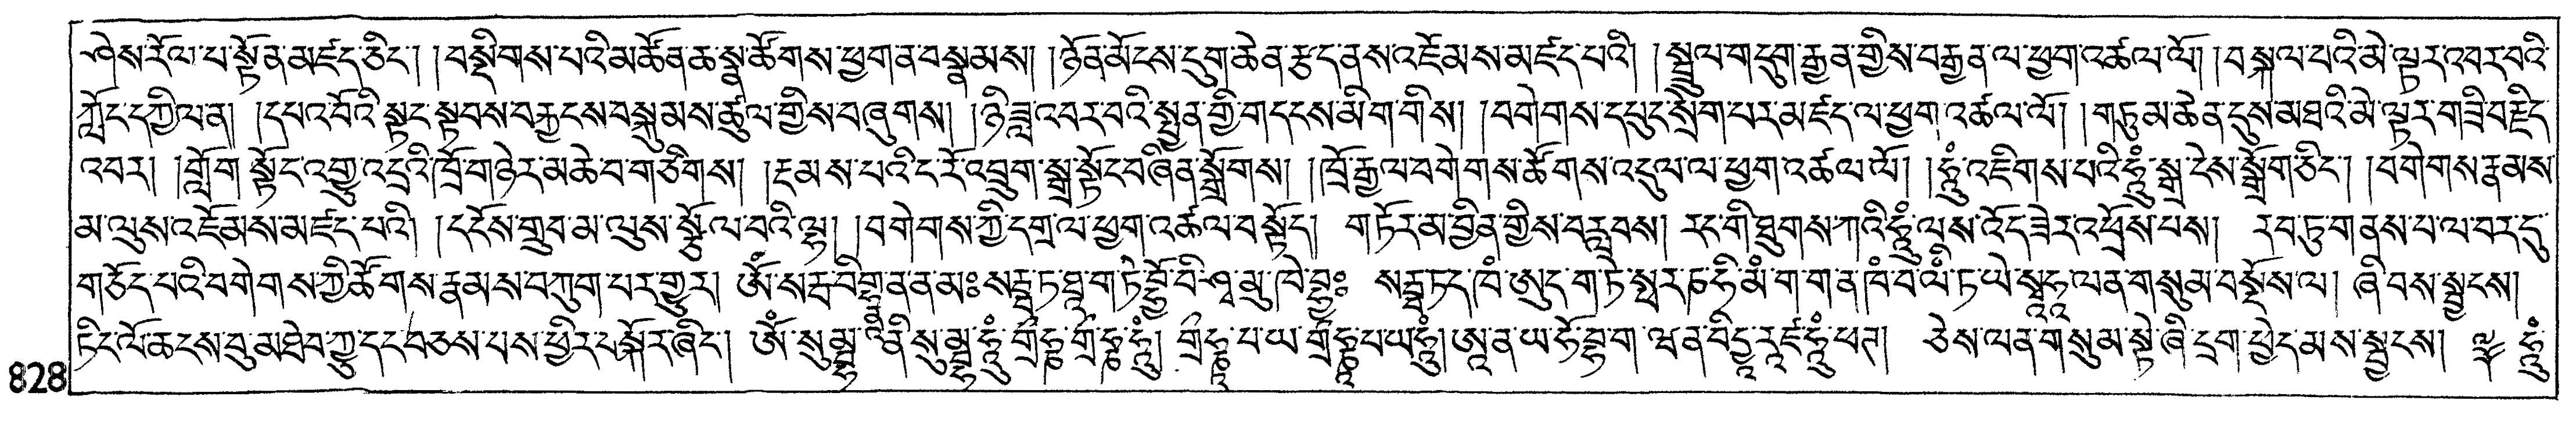ཤེས་རོལ་པ་སྟོན་མཛད་ཅིང་། །བསྡིགས་པའི་མཚོན་ཆ་སྣ་ཚོགས་ཕྱག་ན་བསྣམས། །ཉོན་མོངས་དུག་ཆེན་རྩད་ནས་འཇོམས་མཛད་པའི། །སྦྲུལ་གདུག་རྒྱན་གྱིས་བརྒྱན་ལ་ཕྱག་འཚལ་ལོ། །བསྐལ་པའི་མེ་ལྟར་འབར་བའི་
ཀློང་དཀྱིལ་ན། །དཔའ་བོའི་སྟང་སྟབས་བརྐྱངས་བསྐུམས་ཚུལ་གྱིས་བཞུགས། །ཉི་ཟླ་འབར་བའི་སྤྱན་གྱི་གདངས་མིག་གིས། །བགེགས་དཔུང་སྲེག་པར་མཛད་ལ་ཕྱག་འཚལ་ལོ། །གཏུམ་ཆེན་དུས་མཐའི་མེ་ལྟར་གཟི་བརྗིད་
འབར། །གློག་སྟོང་འགྱུ་འདྲའི་ཁྲོ་གཉེར་མཆེ་བ་གཙིགས། །རྔམས་པའི་ང་རོ་འབྲུག་སྒྲ་སྟོང་བཞིན་སྒྲོགས། །ཁྲོ་རྒྱལ་བགེགས་ཚོགས་འདུལ་ལ་ཕྱག་འཚལ་ལོ། །ཧཱུཾ་འཇིགས་པའི་ཧཱུཾ་སྒྲ་ངེས་སྒྲོག་ཅིང་། །བགེགས་རྣམས་
མ་ལུས་འཇོམས་མཛད་པའི། །དངོས་གྲུབ་མ་ལུས་སྩོལ་བའི་ལྷ། །བགེགས་ཀྱི་དགྲ་ལ་ཕྱག་འཚལ་བསྟོད། གཏོར་མ་བྱིན་གྱིས་བརླབས། རང་གི་ཐུགས་ཀའི་ཧཱུཾ་ལས་འོད་ཟེར་འཕྲོས་པས། རབ་ཏུ་གནས་པ་ལ་བར་དུ་
གཅོད་པའི་བགེགས་ཀྱི་ཚོགས་རྣམས་བཀུག་པར་གྱུར། ཨོཾ་སརྦ་བིགྷྣཱ་ན་ན་མཿ སརྦྦ་ཏ་ཐཱ་ག་ཏེ་བྷྱོ་བི་ཤྭ་མུ་ཁེ་བྷྱཿ སརྦྦ་ཏ་ད་ཁཾ་ཨུད་ག་ཏེ་སྥར་ཎ་ཧི་མཾ་ག་ག་ན་ཁཾ་བ་ལཾ་ཏ་ཡེ་སྭཱཧཱ་ལན་གསུམ་བསྔོས་ལ། ཞི་བས་སྦྱངས།
ཏིང་ལོ་ཆངས་བུ་མཐེབ་ཀྱུ་དང་བཅས་པས་ཕྱིར་བསྐོར་ཞིང་། ཨོཾ་སུམྦྷ་ནི་སུམྦྷ་ཧཱུཾ་གྲྀཧྞ་གྲྀཧྞ་ཧཱུཾ། གྲྀཧྞཱ་པ་ཡ་གྲྀཧྞཱ་པ་ཡ་ཧཱུཾ། ཨཱ་ན་ཡ་ཧོ་བྷ་ག་ཝན་བིདྱཱ་རཱ་ཛ་ཧཱུཾ་ཕཊ། ཅེས་ལན་གསུམ་སྟེ་ཞི་དྲག་ཕྱེད་མས་སྦྱངས། ༈ ཧཱུཾ་